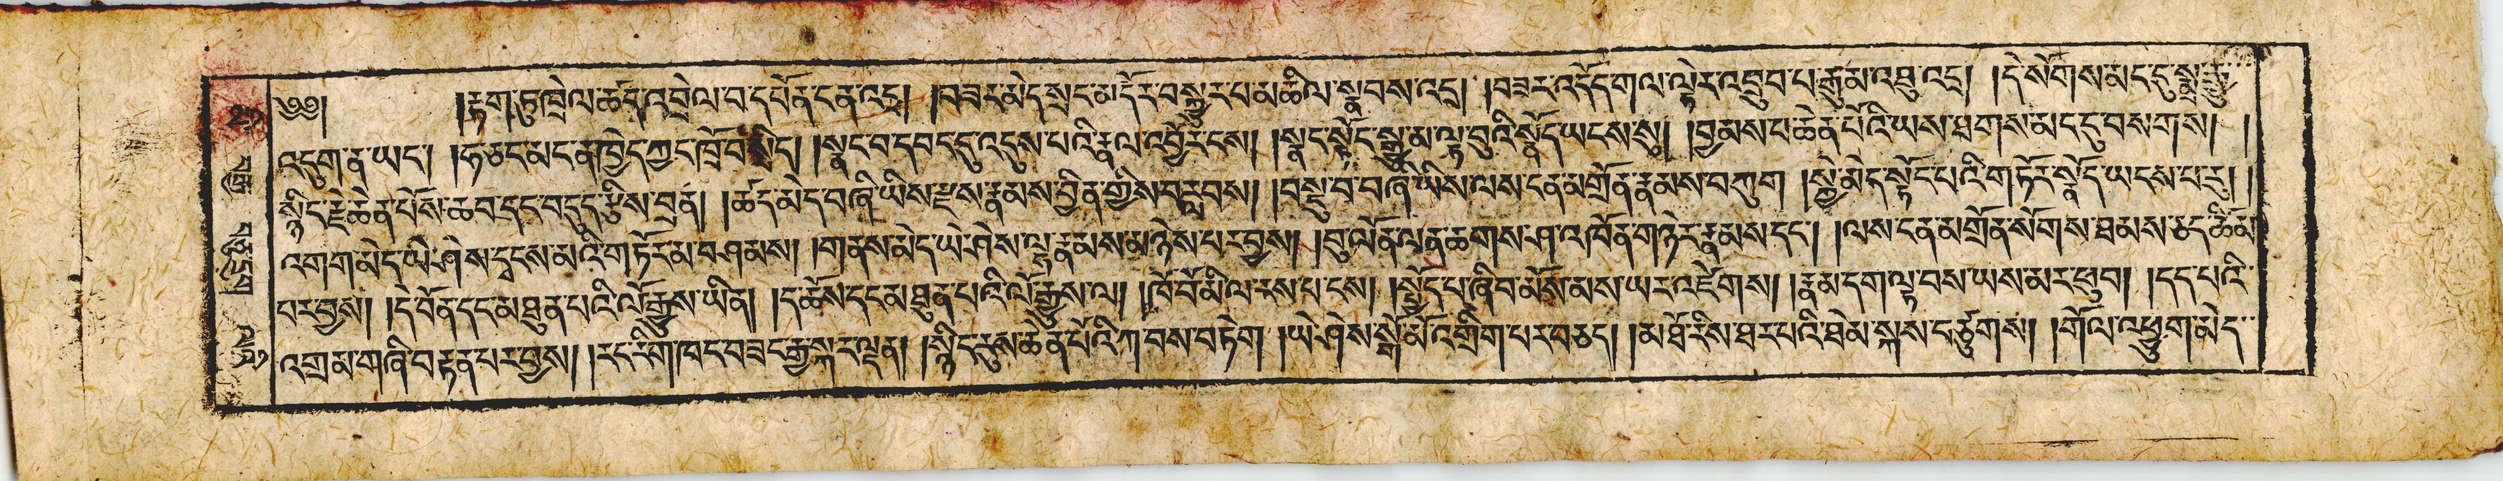རྟག་ཏུ་ཁྲེལ་ཚད་འབྲེལ་བ་དཔོན་ངན་འདྲ། །བཟང་མེད་སྲང་མདོར་བསྐྱུར་བ་མཆིལ་སྣབས་འདྲ། །བཟར་འདོད་གལ་ལྟེར་༼སྟེར༽འབྲུབ་པ་རྒུམ་འཐུ་འདྲ། །དེ་སོགས་མང་དུ་སྨྲ་རྒྱུ་
འདུག་ན་ཡང་། །ཧ་ཅང་མང་ན་ཁྱེད་ཀྱང་ཁྲོ་བ་སྲིད། །སྣང་བ་དབང་དུ་འདུས་པའི་རྣལ་འབྱོར་ངས། །སྣང་སྟོང་སྒྱུ་མ་ལྟ་བུའི་སྣོད་ཡངས་སུ། །བྱམས་པ་ཆེན་པོའི་ཡས་ཐགས་མང་དུ་བསགས། །
སྙིང་རྗེ་ཆེན་པོས་ཆབ་དང་བདུད་རྩིས་བྲན། །ཚད་མེད་བཞི་ཡིས་རྫས་རྣམས་བྱིན་གྱིས་བརླབས། །བསྡུ་བ་བཞི་ཡིས་ལས་ངན་མགྲོན་རྣམས་བཀུག །སྐྱེ་མེད་སྟོང་པའི་གཏོར་སྣོད་ཡངས་པ་རུ། །
འགག་མེད་ཡེ་ཤེས་དྭངས་མའི་གཏོར་མ་བཤམས། །གནས་མེད་ཡེ་ཤེས་ལྷ་རྣམས་མཉེས་པར་བྱས། །བུ་ལོན་ལན་ཆགས་ཤ་འཁོན་གཉེར་རྣམས་དང་། །ལས་ངན་མགྲོན་སོགས་ཐམས་ཅད་ཚིམ་
པར་བྱས། །དེ་བོན་དང་མཐུན་པའི་ལོ་རྒྱུས་ཡིན། །ད་ཆོས་དང་མཐུན་པའི་ལོ་རྒྱུས་ལ། །ཁོ་བོ་མི་ལ་རས་པ་ངས། །སྤྱོད་པ་ཞིབ་མོས་མས་ཡར་འཛེགས། །རྣམ་དག་ལྟ་བས་ཡས་མར་ཕུབ། །དད་པའི་
འགྲམ་གཞི་བརྟན་པར་བྱས། །རང་རིག་ཁང་བཟང་རྒྱུ་སྐར་ལྡན། །སྙིང་རུས་ཆེན་པོའི་ཀ་བས་བཏེག །ཡེ་ཤེས་སྒོ་མོ་འགྲིག་པར་བཅད། །མཐོ་རིས་ཐར་པའི་ཐེམ་སྐས་བཙུགས། །གོལ་འཕྱུག་མེད་